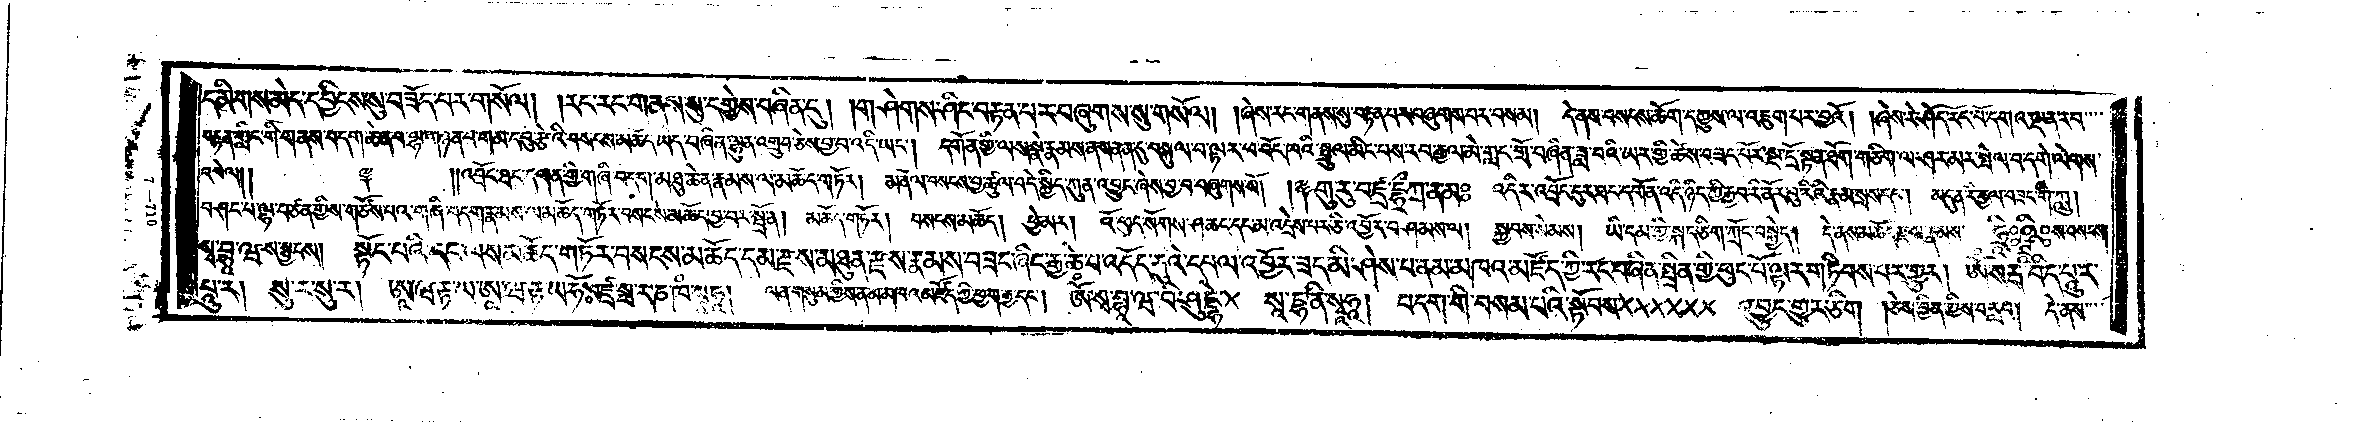དམིགས་མེད་དབྱིངས་སུ་བཟོད་པར་གསོལ། །རང་རང་གནས་སུ་དགྱེས་བཞིན་དུ། །གཤེགས་ཤིང་བརྟན་པར་བཞུགས་སུ་གསོལ། །ཞེས་རང་གནས་སུ་བརྟན་པར་བཞུགས་པར་བསམ། དེ་ནས་བསངས་ཆོ་ག་དཀྱུས་ལ་འཇུག་པར་བྱའོ། །ཞེས་རེ་ཤོད་རོང་པོ་དགའ་ལྡན་རབ་
བརྟན་གིང་གི་གནས་བདག་ཆེན་པོ་ལྷ་གཉན་པ་གམ་དབུ་རྩེའི་བསངས་མཆོད་ཡིད་བཞིན་ལྷུན་འགྲུབ་ཅེས་བྱ་བ་འདི་ཡང་། དགོན་གྱི་ལས་སྣེ་རྣམས་ནས་ནན་དུ་བསྐུལ་བ་ལྟར་ཕ་བོང་ཁའི་སྤྲུལ་མིང་པས་རབ་རྒྱལ་མེ་གླང་གྲོ་བཞིན་ཟླ་བའི་ཡར་གྱི་ཚེས་བཟང་པོར་སྔ་དྲོ་སྟན་ཐག་གཅིག་ལ་ཤར་མར་སྤེལ་བ་དགེ་ལེགས་
འཕེལ།། ༈ །།འབྲོང་ཐང་དགོན་གྱི་གཞི་བདག་མཐུ་ཆེན་རྣམས་ལ་མཆོད་གཏོར། མནོལ་བསངས་བྱ་ཚུལ་བདེ་སྐྱིད་ཀུན་འབྱུང་ཞེས་བྱ་བ་བཞུགས་སོ། ། ༈ གུ་རུ་བཛྲ་དྷྲྀ་ཀ་ན་མཿ འདིར་འབྲོང་དུར་ཐང་དགོན་འདི་ཉིད་ཀྱི་རྒྱབ་རི་ནོར་བུ་རིའི་རྣམ་སྲས་དང་། མདུན་རི་རྒྱལ་བཟང་གི་ཀླུ།
བཤང་བ་ལྷ་བཙན་གྱིས་གཙོས་པའི་གཞི་བདག་རྣམས་ལ་མཆོད་གཏོར་བསངས་མཆོད་བྱ་བར་སྤྲོ་ན། མཆོད་གཏོར། བསངས་མཆོད། ཕྱེ་མར། འོ་ཕུད་སོགས་ཤ་ཆང་དང་མ་འདྲེས་པར་ཅི་འབྱོར་བཤམས་ལ། སྐྱབས་སེམས། ཡི་དམ་གྱི་སྐད་ཅིག་ཀྲོང་བསྐྱེད། དེ་ནས་མཆོད་རྫས་རྣམས་ཧྲཱིཿཥྚིཿས་བསངས།
སྭ་བྷཱ་ཝས་སྦྱངས། སྟོང་པའི་ངང་ལས་མཆོད་གཏོར་བསངས་མཆོད་དམ་རྫས་མཐུན་རྫས་རྣམས་བཟང་ཞིང་རྒྱ་ཆེ་བ་འདོད་རྒུའི་དཔལ་འབྱོར་ཟད་མི་ཤེས་པ་ནམ་མཁའ་མཛོད་ཀྱི་རང་བཞིན་སྤྲིན་གྱི་ཕུང་པོ་ལྟར་གཏིབས་པར་གྱུར། ཨོཾ་སརྦ་བིད་པཱུར་
པཱུ་ར། སུ་ར་སུ་ར། ཨཱ་ཝརྟ་ཡ་ཨཱ་ཝརྟ་ཡ་ཧོཿབཛྲ་སྥ་ར་ཎ་ཁཾ་སྭཱཧཱ། ལན་གསུམ་གྱིས་ནམ་མཁའ་མཛོད་ཀྱི་ཕྱག་རྒྱ་དང་།  ཨོཾ་སྭ་བྷཱ་ཝ་བི་ཤུདྡྷེ་྾་སཱ་དྷ་ནི་སྭཱཧཱ། བདག་གི་བསམ་པའི་སྟོབས་྾྾྾་འབྱུང་གྱུར་ཅིག་།ཅེས་བྱིན་གྱིས་བརླབ། དེ་ནས